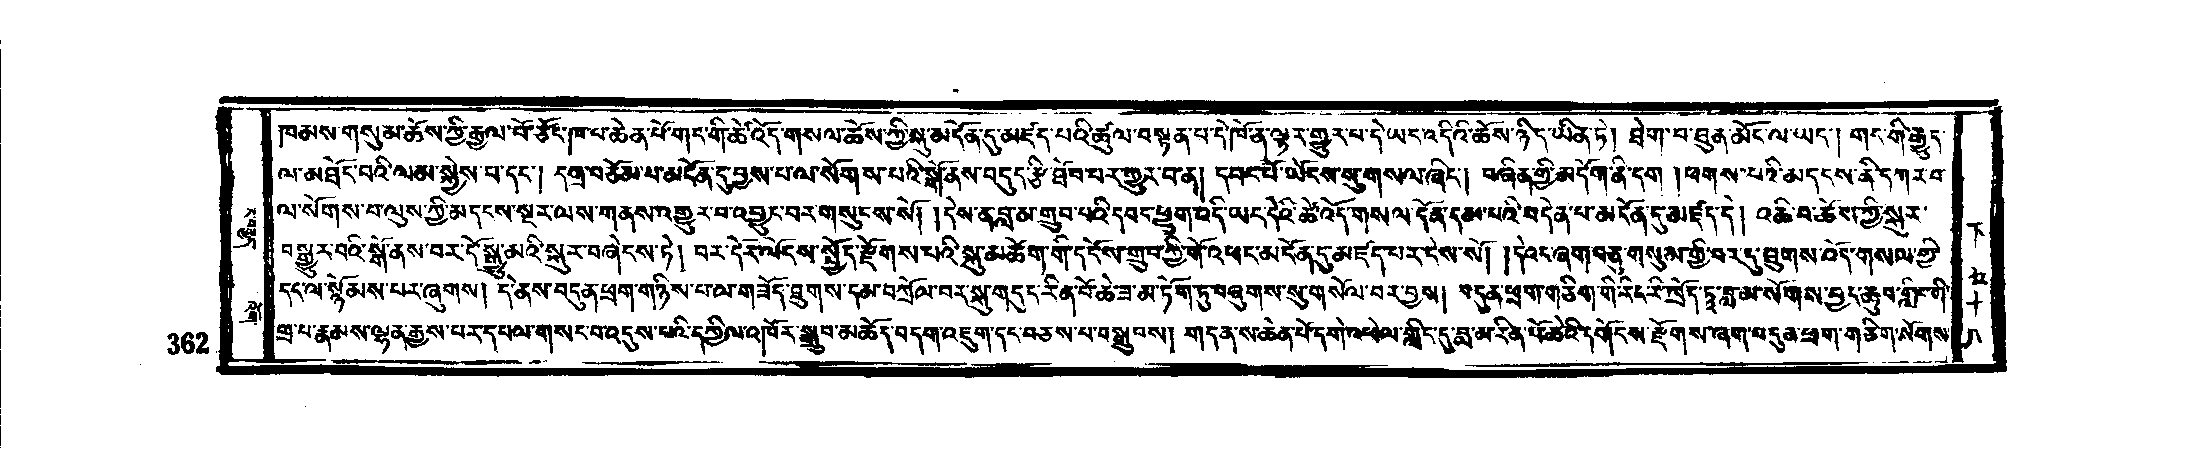ཁམས་གསུམ་ཆོས་ཀྱི་རྒྱལ་པོ་ཙོང་ཁ་པ་ཆེན་པོ་གང་གི་ཚེ་འོད་གསལ་ཆོས་ཀྱི་སྐུ་མངོན་དུ་མཛད་པའི་ཚུལ་བསྟན་པ་དེ་ཁོ་ན་ལྟར་གྱུར་པ་དེ་ཡང་འདིའི་ཆོས་ཉིད་ཡིན་ཏེ། ཐེག་པ་ཐུན་མོང་ལ་ཡང་། གང་གི་རྒྱུད་
ལ་མཐོང་བའི་ལམ་སྐྱེས་པ་དང་། དགྲ་བཅོམ་པ་མངོན་དུ་བྱས་པ་ལ་སོགས་པའི་སྒོ་ནས་བདུད་རྩི་ཐོབ་པར་གྱུར་པ་ན། དབང་པོ་ཡོངས་སུ་གསལ་ཞིང་། བཞིན་གྱི་མདོག་ནི་དག །ཕགས་པའི་མདངས་ནི་དཀར་བ་
ལ་སོགས་པ་ལུས་ཀྱི་མདངས་སྔར་ལས་གནས་འགྱུར་བ་འབྱུང་བར་གསུངས་སོ། །དེས་ན་བླ་མ་གྲུབ་པའི་དབང་ཕྱུག་འདི་ཡང་དེའི་ཚེ་འོད་གསལ་དོན་དམ་པའི་བདེན་པ་མངོན་དུ་མཛད་དེ། འཆི་བ་ཆོས་ཀྱི་སྐུར་
བསྒྱུར་བའི་སྒོ་ནས་བར་དོ་སྒྱུ་མའི་སྐུར་བཞེངས་ཏེ། བར་དོར་ལོངས་སྤྱོད་རྫོགས་པའི་སྐུ་མཆོག་གི་དངོས་གྲུབ་ཀྱི་གོ་འཕང་མངོན་དུ་མཛད་པར་ངེས་སོ། །དེའང་ཞག་བཅུ་གསུམ་གྱི་བར་དུ་ཐུགས་འོད་གསལ་གྱི་
དང་ལ་སྙོམས་པར་ཞུགས། དེ་ནས་བདུན་ཕྲག་གཉིས་པ་ལ་གཟོད་ཐུགས་དམ་བཀྲོལ་བར་སྐུ་གདུང་རིན་པོ་ཆེ་ཟ་མ་ཏོག་ཏུ་བཞུགས་སུ་གསོལ་བར་བྱས། བདུན་ཕྲག་གཅིག་གི་རིང་རི་ཁྲོད་ཏཱ་བླ་མ་སོགས་བྱང་ཆུབ་གླིང་གི་
གྲ་པ་རྣམས་ལྷན་རྒྱས་པར་དཔལ་གསང་བ་འདུས་པའི་དཀྱིལ་འཁོར་སྒྲུབ་མཆོད་བདག་འཇུག་དང་བཅས་པ་བསྒྲུབས། གདན་ས་ཆེན་པོ་དགེ་འཕེལ་གླིང་དུ་བླ་མ་རིན་པོ་ཆེའི་དགོངས་རྫོགས་ཞག་བདུན་ཕྲག་གཅིག་སོགས་